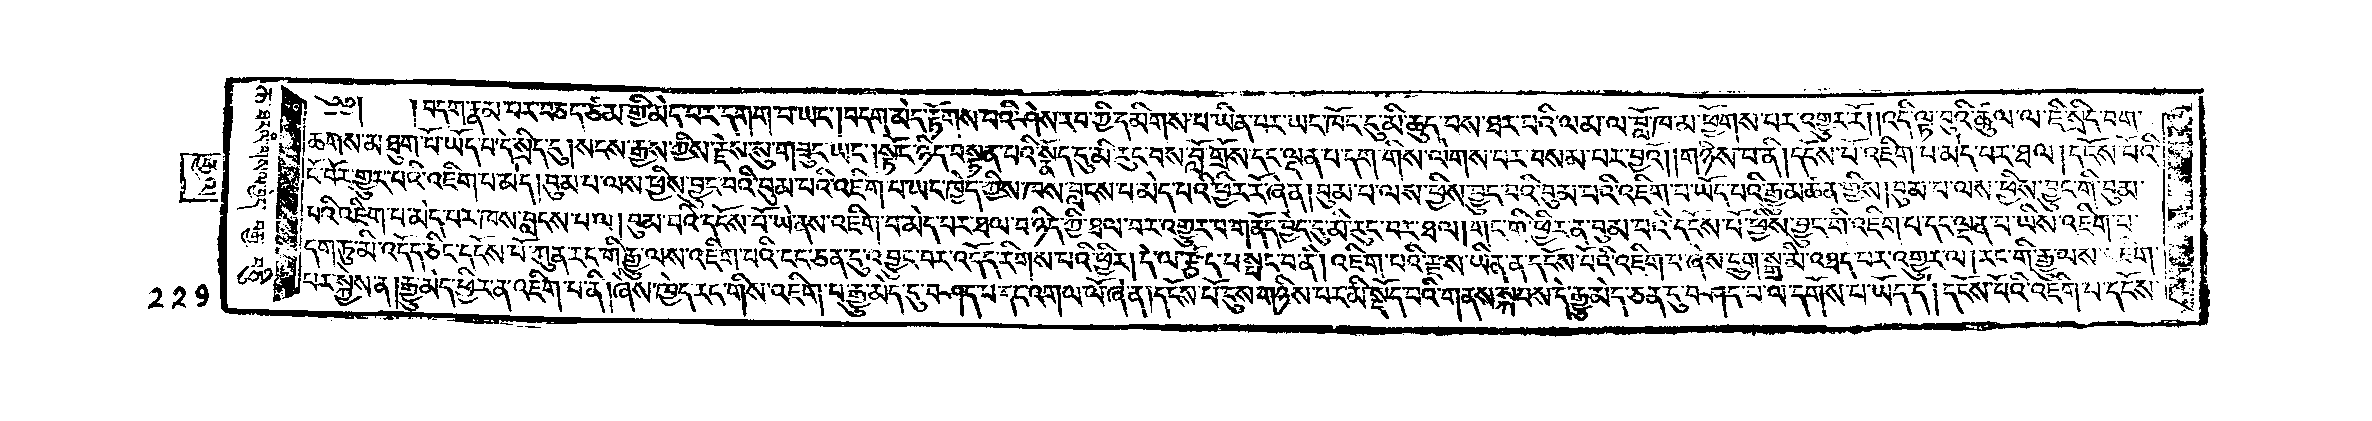༄༅། །བདག་རྣམ་པར་བཅད་ཙམ་གྱི་མེད་པར་དགག་པ་ཡང་། བདག་མེད་རྟོགས་པའི་ཤེས་རབ་ཀྱི་དམིགས་པ་ཡིན་པར་ཡང་ཁོང་དུ་མི་ཚུད་པས་ཐར་པའི་ལམ་ལ་བློ་ཁ་མ་ཕྱོགས་པར་འགྱུར་རོ། །འདི་ལྟ་བུའི་ཚུལ་ལ་ཇི་སྲིད་བག་
ཆགས་མ་ཐུག་པོ་ཡོད་པ་དེ་སྲིད་དུ། སངས་རྒྱས་ཀྱིས་རྗེས་སུ་གཟུང་ཡང་། སྟོང་ཉིད་བསྟན་པའི་སྣོད་དུ་མི་རུང་བས་བློ་གྲོས་དང་ལྡན་པ་དག་གིས་ལེགས་པར་བསམ་པར་བྱའོ། །གཉིས་པ་ནི། དངོས་པོ་འཇིག་པ་མེད་པར་ཐལ། དངོས་པོའི་
ངོ་བོར་གྱུར་པའི་འཇིག་པ་མེད། བུམ་པ་ལས་ཕྱིས་བྱུང་བའི་བུམ་པའི་འཇིག་པ་ཡང་ཁྱེད་ཀྱིས་ཁས་བླངས་པ་མེད་པའི་ཕྱིར་རོ་ཞེ་ན། བུམ་པ་ལས་ཕྱིས་བྱུང་བའི་བུམ་པའི་འཇིག་པ་ཡོད་པའི་རྒྱུ་མཚན་གྱིས། བུམ་པ་ལས་ཕྱིས་བྱུང་གི་བུམ་
པའི་འཇིག་པ་མེད་པར་ཁས་བླངས་པ་ལ། བུམ་པའི་དངོས་པོ་ཡི་ནས་འཇིག་པ་མེད་པར་ཐལ་བ་ཉིད་ཀྱི་ཐལ་བར་འགྱུར་བ་གནོད་བྱེད་དུ་མི་རུང་བར་ཐལ། གང་གི་ཕྱིར་ན་བུམ་པའི་དངོས་པོ་ཕྱིས་བྱུང་གི་འཇིག་པ་དང་ལྡན་པ་ཡིས་འཇིག་པ་
དག་ཏུ་མི་འདོད་ཅིང་དངོས་པོ་ཀུན་རང་གི་རྒྱུ་ལས་འཇིག་པའི་ངང་ཅན་དུ་འབྱུང་བར་འདོད་རིགས་པའི་ཕྱིར། དེ་ལ་རྩོད་པ་སྤང་བ་ནི། འཇིག་པའི་རྫས་ཡིན་ན་དངོས་པོའི་འཇིག་པ་ཞེས་དྲུག་སྒྲ་མི་འཐད་པར་འགྱུར་ལ། རང་གི་རྒྱུ་ལས་འཇིག་
པར་སྐྱེས་ན། རྒྱུ་མེད་ཕྱིར་ན་འཇིག་པ་ནི། ཞེས་ཁྱེད་རང་གིས་འཇིག་པ་རྒྱུ་མེད་དུ་བཤད་པ་དང་འགལ་ལོ་ཞེ་ན། དངོས་པོ་དུས་གཉིས་པར་མི་སྡོད་པའི་གནས་སྐབས་དེ་རྒྱུ་མེད་ཅན་དུ་བཤད་པ་ལ་དགོས་པ་ཡོད་དེ། དངོས་པོའི་འཇིག་པ་དངོས་